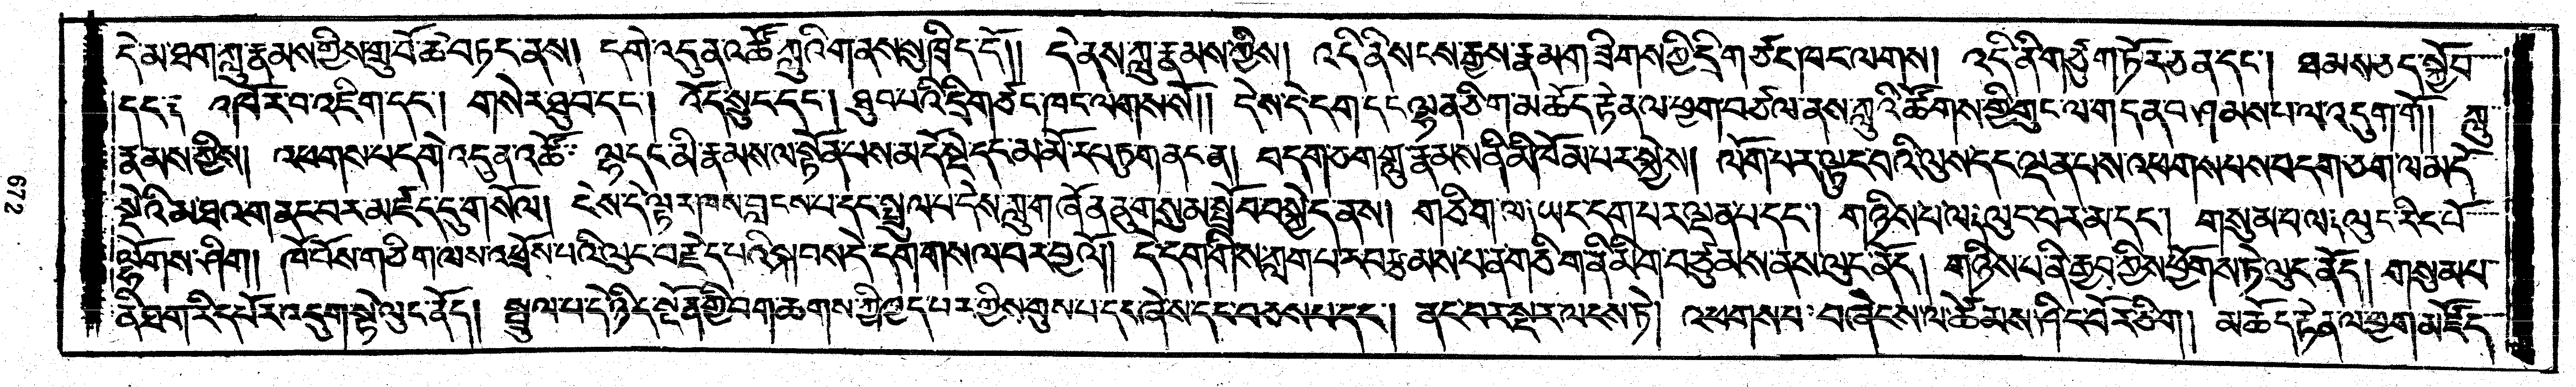དེ་མ་ཐག་ཀླུ་རྣམས་གྱིས་གྲུ་བོ་ཆེ་བཏང་ནས། དགེ་འདུན་འཚོ་ཀླུའི་གནས་སུ་ཁྲིད་དོ།། དེ་ནས་ཀླུ་རྣམས་ཀྱིས། འདི་ནི་སངས་རྒྱས་རྣམ་གཟིགས་ཀྱི་དྲི་གཙང་ཁང་ལགས། འདི་ནི་གཙུག་ཏོར་ཅན་དང་། ཐམས་ཅད་སྐྱོབ་
དང༑ འཁོར་བ་འཇིག་དང་། གསེར་ཐུབ་དང་། འོད་སྲུང་དང་། ཐུབ་པའི་དྲི་གཙང་ཁང་ལེགས་སོ།། དེས་དེ་དག་དང་ལྷན་ཅིག་མཆོད་རྟེན་ལ་ཕྱག་བཙལ་ནས་ཀླུའི་ཚོགས་གྱི་གུང་ལ་གདན་བཤམས་པ་ལ་འདུག་གོ། ཀླུ་
རྣམས་ཀྱིས། འཕགས་པ་དགེ་འདུན་འཚོ་ལྷ་དང་མི་རྣམས་ལ་སྟོན་པས་མདོ་སྡེ་དང་མ་མོ་རབ་ཏུ་གནང་ན། བདག་ཅག་གླུ་རྣམས་ནི་མི་ཁོམ་པར་སྐྱེས། ལོག་པར་ལྟུང་བའི་ལུས་དང་ལྡན་པས་འཕགས་པས་བདག་ཅག་ལ་མདོ་
སྡེའི་མཐའ་གནང་བར་མཛད་དུ་གསོལ། ངེས་དེ་ལྟར་ཁས་བླངས་པ་དང་སྤྲུལ་པ་དེས་ཀླུ་གཞོན་ནུ་གསུམ་སྤྲོ་བ་བསྐྱེད་ནས། གཅིག་ལ༑ ཡང་དག་པར་ལྡན་པ་དང་། གཉིས་པ་ལ༑ ལུང་བར་མ་དང་། གསུམ་པ་ལ༑ ལུང་རིང་པོ་
ལྷོགས་ཤིག། ཁོ་བོས་གཅིག་ལས་འཕྲོས་པའི་ལུང་བརྗེད་པའི་སྐབས་དེ་དག་གསལ་བར་བྱའོ།། དེ་དག་གིས་ཀླག་པར་བརྩམས་པ་ན་གཅིག་ནི་མིག་བཙུམས་ནས་ལུང་ནོད། གཉིས་པ་ནི་རྒྱབ་ཀྱིས་ཕྱོགས་ཏེ་ལུང་ནོད། གསུམ་པ་
ནི་ཐག་རིང་པོར་འདུག་སྟེ་ལུང་ནོད། སྤྲུལ་པ་དེ་ཉིད་སྔོན་གྱི་བག་ཆགས་ཀྱི་ཁྱད་པར་གྱིས་གུས་པ་དང་ཞེས་དང་བཅས་པ་དང་། ནང་བར་སྔར་ལངས་ཏེ། འཕགས་པ་བཞེངས་ལ་ཚེམས་ཤིང་བོར་ཅིག། མཆོད་རྟེན་ལ་ཕྱག་མཛོད་